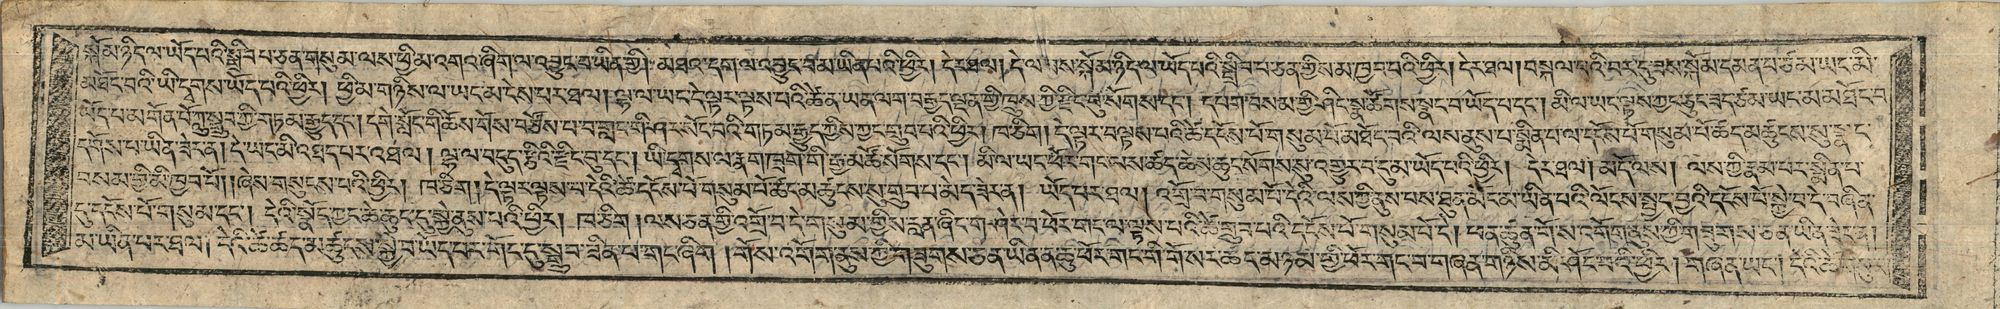སྐོམ་ཉིད་ལ་ཡོད་པའི་སྒྲིབ་པ་ཅན་གསུམ་ལས་ཕྱི་མ་འགའ་ཞིག་ལ་འབྱུང་བ་ཡིན་གྱི། མཐའ་དག་ལ་འབྱུང་བ་མ་ཡིན་པའི་ཕྱིར། དེར་ཐལ། དེ་ལ་ཟས་སྐོམ་ཉིད་ལ་ཡོད་པའི་སྒྲིབ་པ་ཅན་གྱིས་མ་ཁྱབ་པའི་ཕྱིར། དེར་ཐལ། བསྐལ་བའི་བར་དུ་ཟས་སྐོམ་དམན་པ་ཙམ་ཡང་མི་
མཐོང་བའི་ཡི་དྭགས་ཡོད་པའི་ཕྱིར། ཕྱི་མ་གཉིས་ལ་ཡང་མ་ངེས་པར་ཐལ། ལྷ་ལ་ཡང་དེ་ལྟར་ལྟས་པའི་ཚེ་ན་ཡན་ལག་བརྒྱད་ལྡན་གྱི་ཁྲུས་ཀྱི་རྫིང་བུ་སོགས་དང་། དཔག་བསམ་གྱི་ཤིང་སྣ་ཚོགས་སྣང་བ་ཡོད་པ་དང་། མི་ལ་ཡང་ལྟས་ཀྱང་ཆུང་ཟད་ཙམ་ཡང་མ་མཐོང་བ་
ཡོད་པ་མགོན་པོ་ཀླུ་སྒྲུབ་ཀྱི་གཏམ་རྒྱུད་དང་། དགེ་སློང་གི་ཆོས་གོས་བཙོསྤ་བ་གླང་གི་ཤར་སོང་བའི་གཏམ་རྒྱུད་ཀྱིས་ཀྱང་གྲུབ་པའི་ཕྱིར། ཁ་ཅིག །དེ་ལྟར་བལྟས་པའི་ཚེ་དངོས་པོ་གསུམ་པོ་མཐོང་བའི་ལས་ནུས་པ་སྨིན་པ་ལ་དངོས་པོ་གསུམ་པོ་ཚད་མཚུངས་སུ་སྣང་
དགོས་པ་ཡིན་ཟེར་ན། དེ་ཡང་མི་འཐད་པར་འཐལ།ལྷ་ལ་བདུད་རྩིའི་རྫིང་བུ་དང་། ཡི་དྭགས་ལ་རྣག་ཁྲག་གི་རྒྱ་མཚོ་སོགས་དང་། མི་ལ་ཡང་ཕོར་གང་ལས་ཚད་ཆེས་ཆུང་སོགས་སུ་འགྱུར་བ་དུ་མ་ཡོད་པའི་ཕྱིར། དེར་ཐལ། མདོ་ལས། ལས་ཀྱི་རྣམ་པར་སྨིན་པ་
བསམ་གྱི་མི་ཁྱབ་པོ། །ཞེས་གསུངས་པའི་ཕྱིར། ཁ་ཅིག །དེ་ལྟར་ལྟས་པ་དེའི་ཚེ་དངོས་པོ་གསུམ་པོ་ཚད་མཚུངས་སུ་གྲུབ་པ་མེད་ཟེར་ན། ཡོད་པར་ཐལ། འགྲོ་བ་གསུམ་པོ་དེའི་ལས་ཀྱི་ནུས་པས་ཐུན་མོང་མ་ཡིན་པའི་ལོངས་སྤྱད་བྱའི་དངོས་པོ་སྐྱེ་བ་དེ་བཞིན་
དུ་དངོས་པོ་གསུམ་དང་། དེའི་སྣོད་ཀྱང་ཆེ་ཆུང་དུ་སྐྱེ་ནུས་པའི་ཕྱིར། ཁ་ཅིག །ལས་ཅན་གྱི་འགྲོ་བ་དེ་གསུམ་གྱིས་རླན་ཞིང་གཤེར་བ་ཕོར་གང་ལ་ལྟས་པའི་ཚེ་གྲུབ་པའི་དངོས་པོ་གསུམ་པོ་དེ། ཕན་ཚུན་གོ་ས་འགོག་ནུས་ཀྱི་གཟུགས་ཅན་ཡིན་ཟེར་ན།
མ་ཡིན་པར་ཐལ། དེའི་ཚེ་ཚད་མཚུངས་སྐྱེ་བ་ཡོད་པར་གོང་དུ་སྒྲུབ་ཟིན་པ་གང་ཞིག །གོ་ས་འགོག་ནུས་ཀྱི་གཟུགས་ཅན་ཡིན་ན་ཆུ་ཕོར་གང་གི་གོ་སར་ཚད་མཉམ་གྱི་ཕོར་གང་བ་གཞན་གཉིས་མི་ཤོངྦའི་ཕྱིར། གཞན་ཡང་། དེའི་ཚེ་གསུམ་